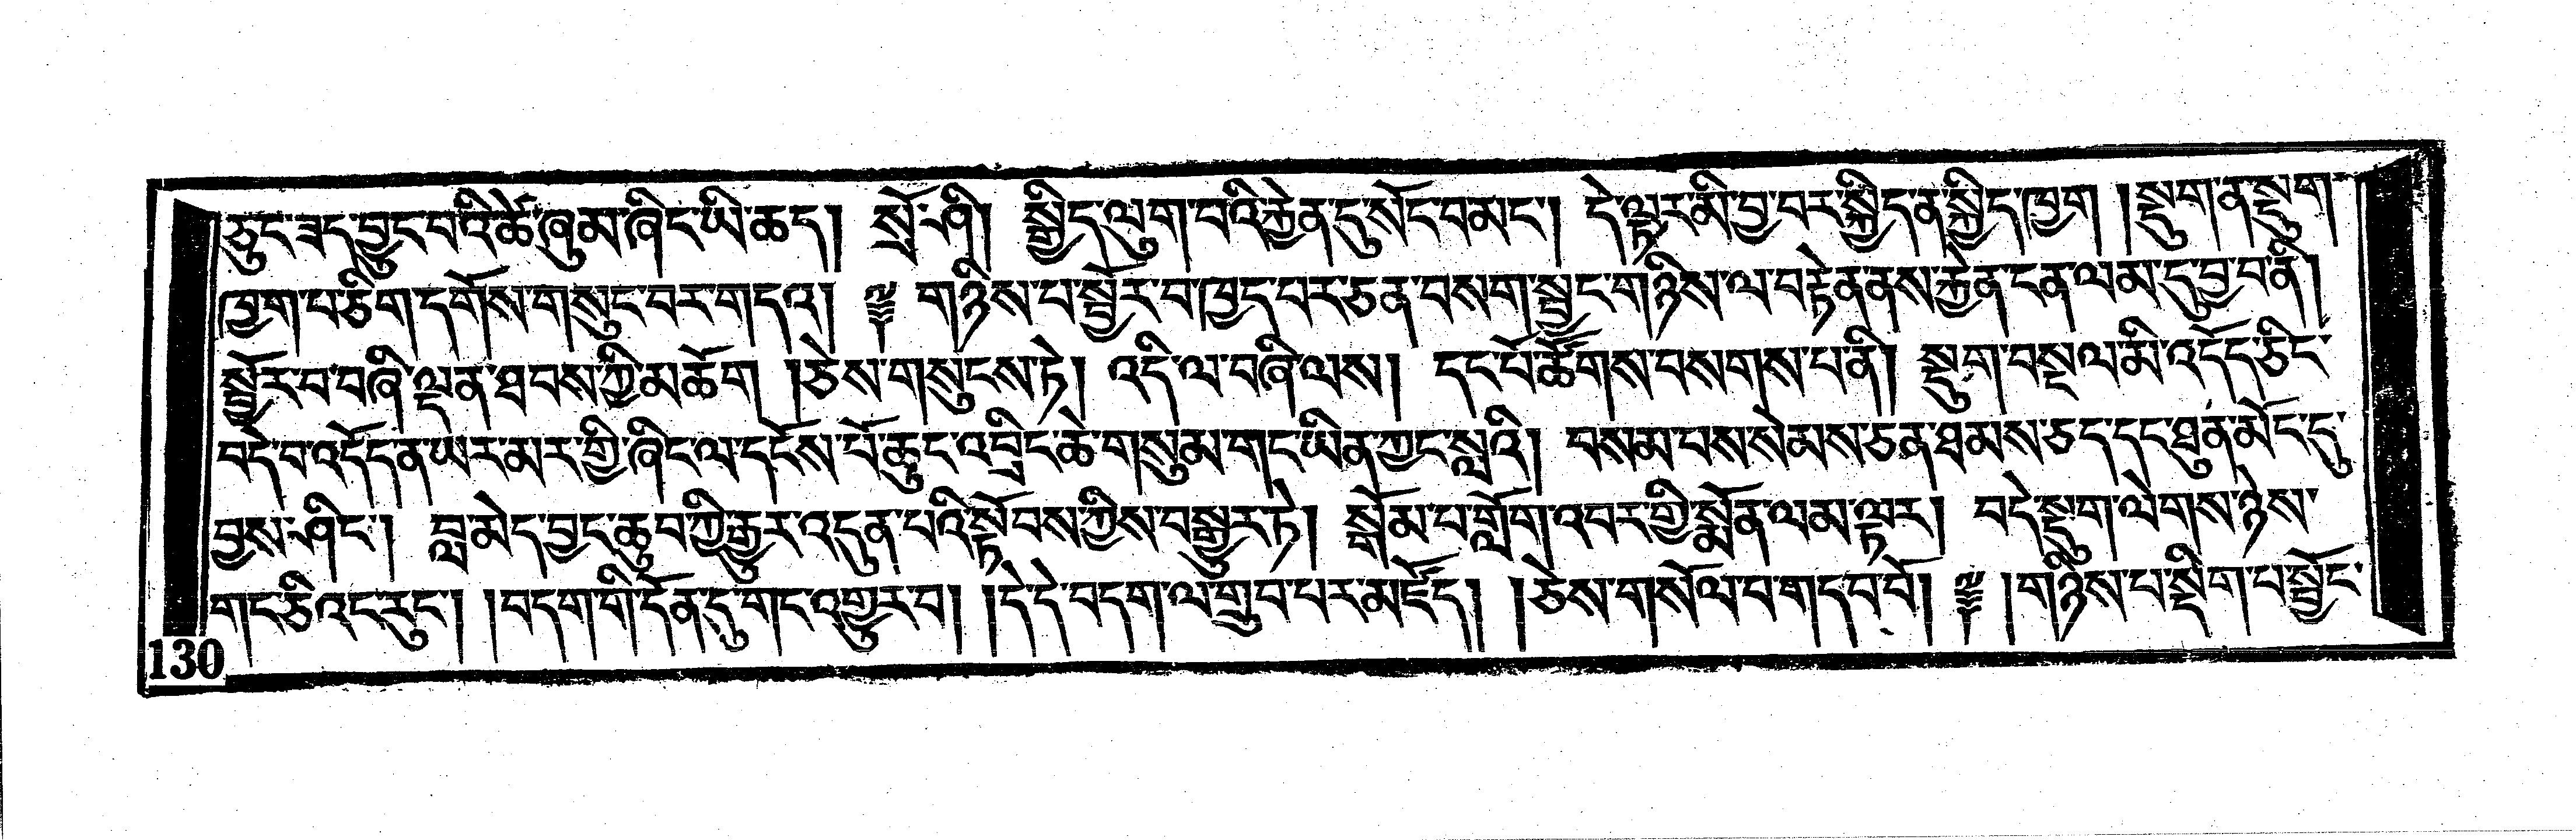ཅུང་ཟད་བྱུང་བའི་ཚེ་ཞུམ་ཞིང་ཡི་ཆད། སྲོ་ཤི། སྒྱིད་ལུག་པའི་རྐྱེན་དུ་སོང་བ་མང་། དེ་ལྟར་མི་བྱ་བར་སྐྱིད་ན་སྐྱིད་ཁྱག །སྡུག་ན་སྡུག་
ཁྱག་པ་ཅིག་དགོས་གསུང་བར་གདའ། ༈ གཉིས་པ་སྦྱོར་བ་ཁྱད་པར་ཅན་བསག་སྦྱང་གཉིས་ལ་བརྟེན་ནས་རྐྱེན་ངན་ལམ་དུ་བྱ་བ་ནི།
སྦྱོར་བ་བཞི་ལྡན་ཐབས་ཀྱི་མཆོག །ཅེས་གསུངས་ཏེ། འདི་ལ་བཞི་ལས། དང་པོ་ཚོགས་བསགས་པ་ནི། སྡུག་བསྔལ་མི་འདོད་ཅིང་
བདེ་བ་འདོད་ན་ཡར་མར་གྱི་ཞིང་ལ་དངོས་པོ་ཆུང་འབྲིང་ཆེ་གསུམ་གང་ཡིན་ཀྱང་སླའི། བསམ་པས་སེམས་ཅན་ཐམས་ཅད་དང་ཐུན་མོང་དུ་
བྱས་ཤིང་། བླ་མེད་བྱང་ཆུབ་ཀྱི་རྒྱུར་འདུན་པའི་སྟོབས་ཀྱིས་བསྒྱུར་ཏེ། སྒོམ་པ་གློག་འབར་གྱི་སྨོན་ལམ་ལྟར། བདེ་སྡུག་ལེགས་ཉེས་
གང་ཅིའང་རུང་། །བདག་གི་དོན་དུ་གང་འགྱུར་བ། །དེ་དེ་བདག་ལ་གྲུབ་པར་མཛོད། །ཅེས་གསོལ་བ་གདབ་བོ། ༈ །གཉིས་པ་སྡིག་པ་སྦྱོང་